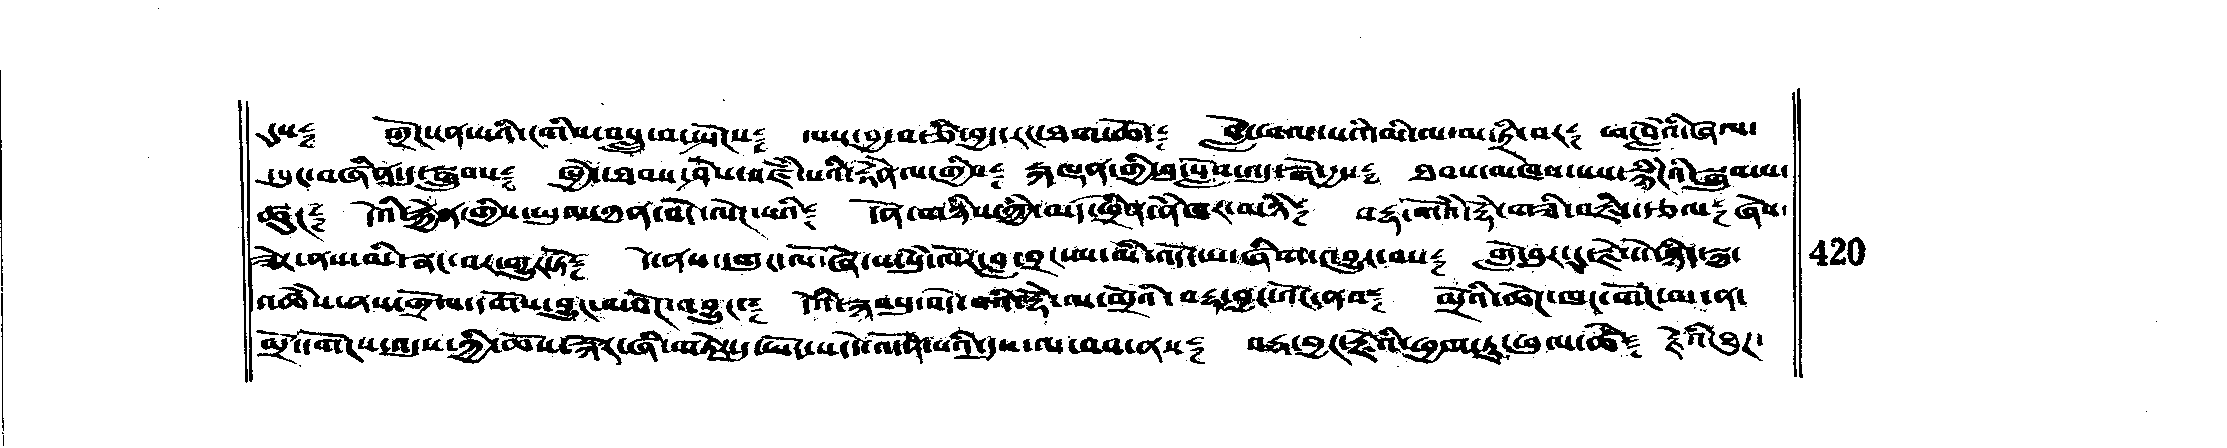དུས། །གྲོགས་ངན་པའི་ངག་གི་བསླུ་བ་སྤོངས། །ལས་བྱ་བ་ཅི་བྱེད་རང་ཐག་ཆོད། །བློ་ཕལ་པའི་མི་ལ་མ་དྲི་བར། །ཕ་བླ་མའི་ཞལ་
ལུང་བཞིན་དུ་སྒྲུབས། ཁྱེད་ཐབས་ཤེས་འཛོམ་པའི་རྟེན་འབྲེལ་གྱིས། །སྐལ་ལྡན་གྱི་བུ་སློབ་འདུ་སྒོ་རྒྱས། །ཐབས་མཁས་པས་སྙིང་རྗེའི་སྒྲུབ་པ་
ཚུགས། །དེའི་རྐྱེན་གྱིས་ཡུལ་ཀུན་བདེ་ལེགས་པའི། །དོན་གཉིས་ཀྱི་མཛད་ཕྲིན་ནམ་མཁར་མཉམ། །བརྡ་གོའམ་རྡོ་རྗེ་གཟི་བརྗིད་རྩལ། །ཞེས་
ཟེར་ནས་མི་སྣང་བར་གྱུར་ཏོ། དེ་ནས་དགུང་ལོ་ཞེ་གསུམ་ལོར་བླ་བྲང་ལ་མི་འདོད་པ་ཞིག་བྱུང་བས། གློ་བུར་དུ་རྗེ་དེ་ཉིད་སྐུ་
མཚམས་ནས་གྲོལ་དགོས་བྱུང་བ་སོགས་བྱུང་། དེའི་སྐབས་སུ་བདེ་བའི་རྡོ་རྗེ་ལ་མཁའ་འགྲོའི་བརྡ་བྱང་འོང་ནས། མཁའ་འགྲོའི་ཚོགས་ཁང་གོང་མ་ན། 
མཁའ་འགྲོ་དགོངས་འདུས་ཀྱི་ཆོས་སྐོར་ཞིག་གཏེར་དུ་ཡོད་པ་དེ་འདོན་པའི་དུས་ལ་བབས་ནས། བརྡ་བྱང་རྗེའི་ཕྱག་ཏུ་ཕུལ་ཚེ། རྗེའི་ཐུགས་